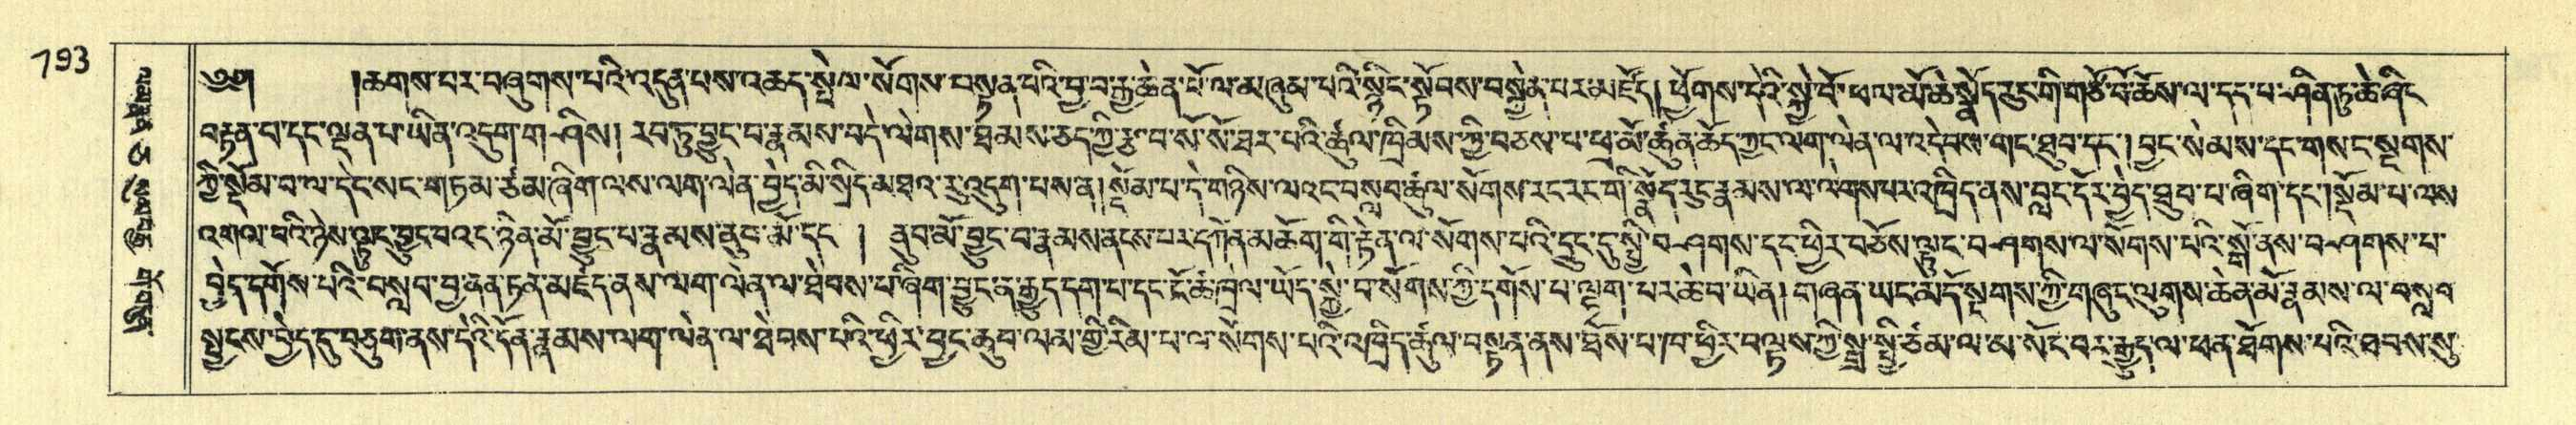༄༅། །ཆགས་པར་བཞུགས་པའི་འདུན་པས་འཆད་སྤེལ་སོགས་བསྟན་པའི་བྱ་བ་རྒྱ་ཆེན་པོ་ལ་མ་ཞུམ་པའི་སྙིང་སྟོབས་བསྐྱེན་པར་མཛོད། ཕྱོགས་དེའི་སྐྱེ་བོ་ཕལ་མོ་ཆེ་སྣོད་རུང་གི་གཙོ་བོ་ཆོས་ལ་དད་པ་ཤིན་ཏུ་ཆེ་ཞིང་
བརྟན་པ་དང་ལྡན་པ་ཡིན་འདུག་གཤིས། རབ་ཏུ་བྱུང་བ་རྣམས་བདེ་ལེགས་ཐམས་ཅད་ཀྱི་རྩ་བ་སོ་སོ་ཐར་པའི་ཚུལ་ཁྲིམས་ཀྱི་བཅས་པ་ཕྲ་མོ་ཚུན་ཆོད་ཀྱང་ལག་ལེན་ལ་འདེབས་གང་ཐུབ་དང་། བྱང་སེམས་དང་གསང་སྔགས་
ཀྱི་སྡོམ་པ་ལ་དེང་སང་གཏམ་ཙམ་ཞིག་ལས་ལག་ལེན་བྱེད་མི་སྲིད་མཐའ་རུ་འདུག་པས་ན། སྡོམ་པ་དེ་གཉིས་ལའང་བསླབ་ཚུལ་སོགས་རང་རང་གི་སྣོད་རུང་རྣམས་ལ་ལེགས་པར་འཁྲིད་ནས་བླང་དོར་བྱེད་ཐུབ་པ་ཞིག་དང་། སྡོམ་པ་ལས་
འགལ་བའི་ཉེས་ལྟུང་བྱུང་བའང་ཉིན་མོ་བྱུང་བ་རྣམས་ནུབ་མོ་དང་། ནུབ་མོ་བྱུང་བ་རྣམས་ནངས་པར་དཀོན་མཆོག་གི་རྟེན་ལ་སོགས་པའི་དྲུང་དུ་སྤྱི་བཤགས་དང་ཕྱིར་བཅོས་ལྟུང་བཤགས་ལ་སོགས་པའི་སྒོ་ནས་བཤགས་པ་
བྱེད་དགོས་པའི་བསླབ་བྱ་ནན་ཏན་མཛད་ནས་ལག་ལེན་ལ་ཐེབས་པ་ཞིག་བྱུང་ན་རྒྱུད་དག་པ་དང་ངོ་ཚ་ཁྲེལ་ཡོད་སྐྱེ་བ་སོགས་ཀྱི་དགོས་པ་ལྷག་པར་ཆེ་བ་ཡིན། གཞན་ཡང་མདོ་སྔགས་ཀྱི་གཞུང་ལུགས་ཆེན་མོ་རྣམས་ལ་བསླབ་
སྦྱངས་བྱེད་དུ་བཅུག་ནས་དེའི་དོན་རྣམས་ལག་ལེན་ལ་ཐེབས་པའི་ཕྱིར་བྱང་ཆུབ་ལམ་གྱི་རིམ་པ་ལ་སོགས་པའི་འཁྲིད་ཚུལ་བསྟན་ནས་ཐོས་པ་ཁ་ཕྱིར་བལྟས་ཀྱི་སྒྲ་སྤྱི་ཙམ་ལ་མ་སོང་བར་རྒྱུད་ལ་ཕན་ཐོགས་པའི་ཐབས་སུ་